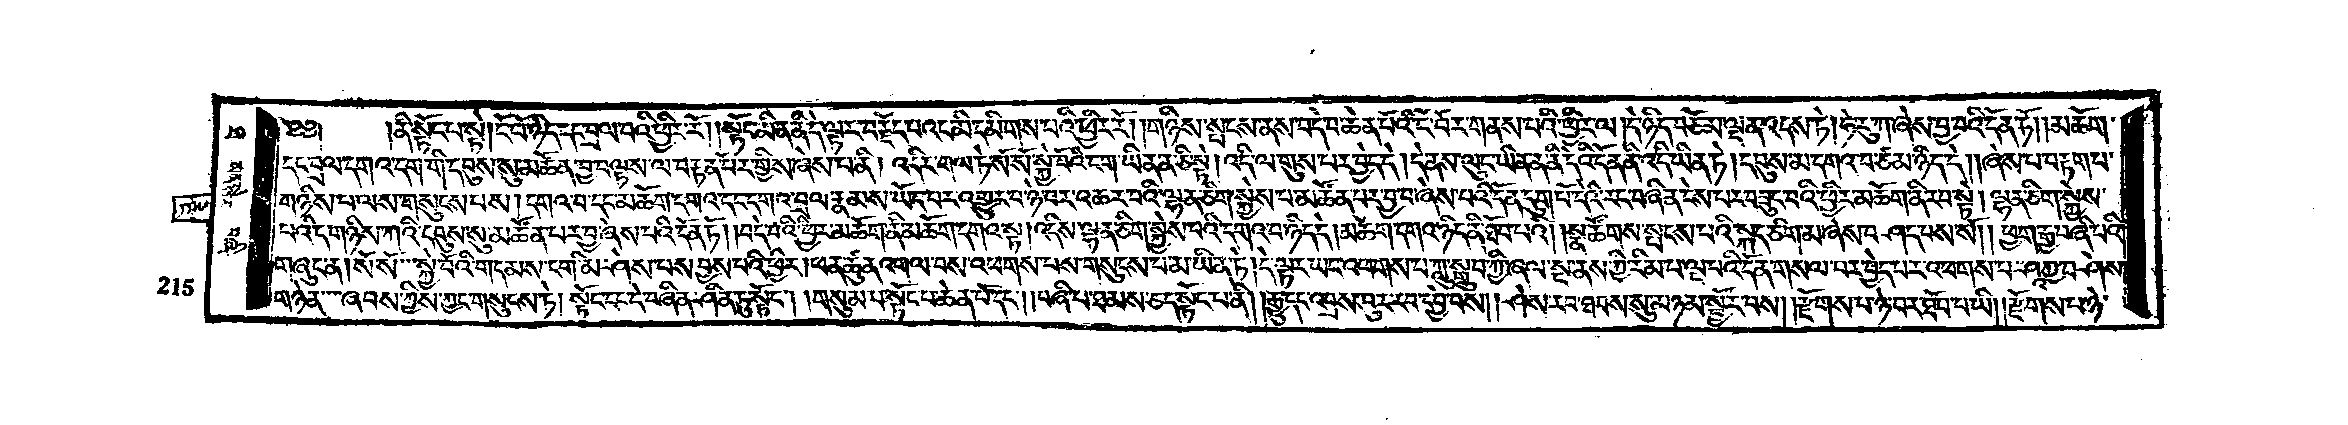༄༅། །ནི་སྟོང་པ་སྟེ། ངོ་བོ་ཉིད་དང་བྲལ་བའི་ཕྱིར་རོ། །སྟོང་མིན་ནི་དེ་ལྟར་བརྗོད་པའང་མི་དམིགས་པའི་ཕྱིར་རོ། །གཉིས་སྤངས་ནས་བདེ་བ་ཆེན་པོའི་ངོ་བོར་གནས་པའི་ཕྱིར་ལ། དེ་ཉིད་བཅོམ་ལྡན་འདས་ཏེ། ཧེ་རུ་ཀ་ཞེས་བྱ་བའི་དོན་ཏོ། །མཆོག་
དང་བྲལ་དགའ་དག་གི་དབུས་སུ་མཚོན་བྱ་བལྟས་ལ་བརྟན་པོར་གྱིས་ཞེས་པ་ནི། འདིར་གལ་ཏེ་སོ་སོ་སྐྱེ་བོའི་ངག་ཡིན་ན་ཅི་སྟེ། འདི་ལ་གུས་པར་བྱེད་དེ། དེ་ནས་ལུང་ཡིན་ན་ནི་དེའི་དོན་ནི་འདི་ཡིན་ཏེ། དབུས་མ་དགའ་བ་ཙམ་ཉིད་དེ། །ཞེས་པ་བརྟག་པ་
གཉིས་པ་ལས་གསུངས་པས། དགའ་བ་དང་མཆོག་དགའ་དང་དགའ་བྲལ་རྣམས་ཡོད་པར་འགྱུར་བ་ཉེ་བར་འཆར་བའི་ལྷན་ཅིག་སྐྱེས་པ་མཚོན་པར་བྱ་བ་ཞེས་པའི་དོན་དུག་པོ་དེའི་རང་བཞིན་ངེས་པར་བཟུང་བའི་ཕྱིར་མཆོག་ནི་རབ་སྟེ། ལྷན་ཅིག་སྐྱེས་
པའི་དེ་གཉིས་ཀའི་དབུས་སུ་མཚོན་པར་བྱ་ཞེས་པའི་དོན་ཏོ། །བདེ་བའི་ཕྱིར་མཆོག་ནི་མཆོག་དགའ་སྟེ། འདིས་ལྷན་ཅིག་སྐྱེས་པའི་དགའ་བ་ཉིད་དེ། མཆོག་དགའ་ཉིད་ནི་ཐོབ་པའོ། །སྣ་ཚོགས་སྤངས་པའི་སྐད་ཅིག་མ་ཞེས་བཤད་པས་སོ། །ཕྱག་རྒྱ་བཞི་པའི་
གཞུང་ན། སོ་སོ་སྐྱེ་བོའི་གདམས་ངག་མི་ཤེས་པས་བྱས་པའི་ཕྱིར། ཕན་ཚུན་འགལ་བས་འཕགས་པས་གསུངས་པ་མ་ཡིན་ཏེ། དེ་ལྟར་ཡང་འཕགས་པ་ཀླུ་སྒྲུབ་ཀྱི་ཞལ་སྔ་ནས་ཀྱི་རིམ་པ་ལྔ་པའི་དོན་གསལ་བར་བྱེད་པར་འཕགས་པ་ཤཱཀྱ་བཤེས་
གཉེན་ཞབས་ཀྱིས་ཀྱང་གསུངས་ཏེ། སྟོང་དང་དེ་བཞིན་ཤིན་ཏུ་སྟེང་། །གསུམ་པ་སྟོང་པ་ཆེན་པོ་དང་། །བཞི་པ་ཐམས་ཅད་སྟོང་པ་ནི། །རྒྱུ་དང་འབྲས་བུར་རབ་དབྱེ་བས། །ཤེས་རབ་ཐབས་སུ་མཉམ་སྦྱོར་བས། །རྫོགས་པ་ཉེ་བར་ཐོབ་པ་ཡི། །རྫོགས་པ་ཉེ་